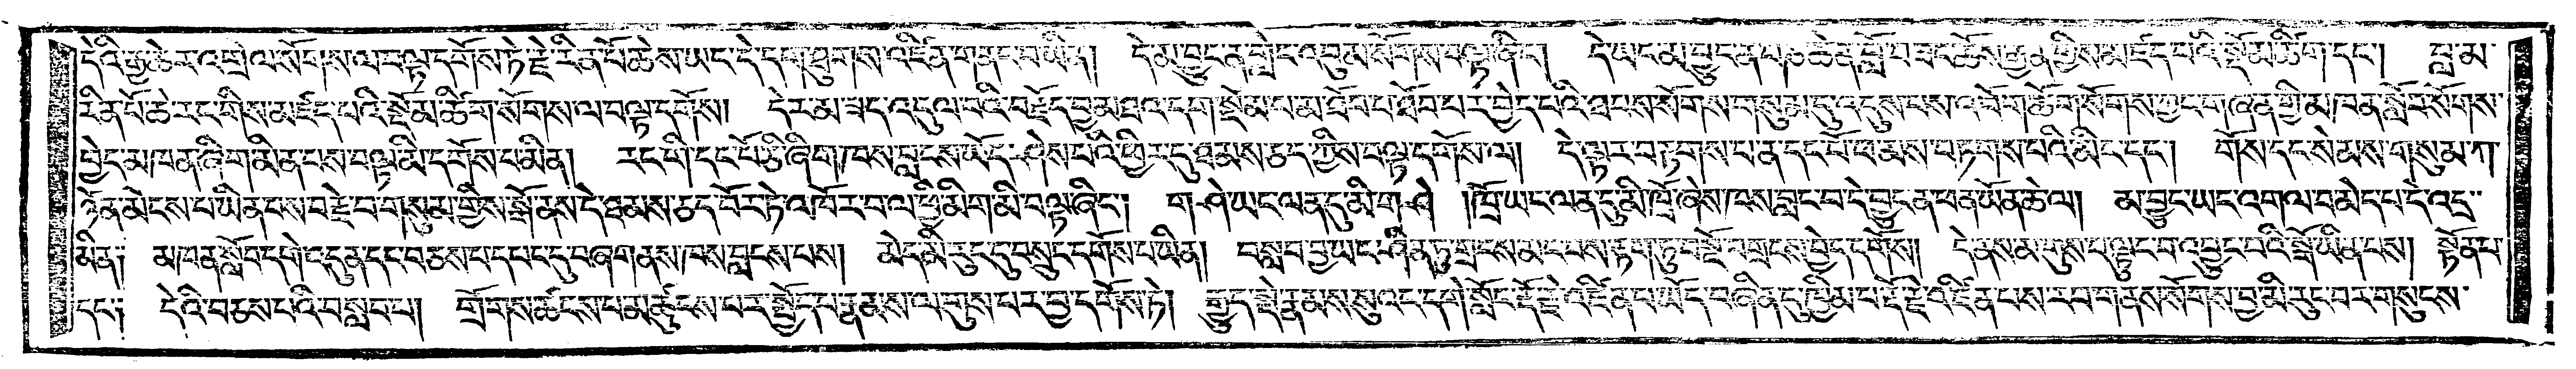དེའི་རྒྱ་ཆེར་འགྲེལ་སོགས་ལ་བལྟ་དགོས་ཏེ་རྗེ་རིན་པོ་ཆེས་ཡང་དེ་དག་ཐུགས་འཛིན་གནང་བ་ཡིན། དེ་མ་བྱུང་ན་གླེང་འབུམ་སོགས་བལྟ་ཞིང་། དེ་ཡང་མ་བྱུང་ན་པཎ་ཆེན་བློ་བཟང་ཆོས་རྒྱན་གྱིས་མཛད་པའི་སྡོམ་ཚིག་དང་། བླ་མ་
རིན་པོ་ཆེ་རང་གིས་མཛད་པའི་སྡོམ་ཚིག་སོགས་ལ་བལྟ་དགོས། དེར་མ་ཟད་འདུལ་བའི་བརྗོད་བྱ་མཐའ་དག་སྡོམ་པ་མ་ཐོབ་པ་ཐོབ་པར་བྱེད་པའི་ཐབས་སོགས་གསུམ་དུ་འདུས་པས་འབོག་ཆོག་སོགས་ཀྱང་གཞན་གྱི་མཁན་སློབ་སོགས་
བྱེད་མཁན་ཞིག་མིན་པས་བལྟ་མི་དགོས་པ་མིན། རང་གི་དང་པོ་ཅི་ཞིག་ཁས་བླངས་ཡོད་ཤེས་པའི་ཕྱིར་དུ་ཐམས་ཅད་ཀྱིས་བལྟ་དགོས་ལ། དེ་ལྟར་བརྟགས་པ་ན་དང་པོ་ཕ་མས་བཏགས་པའི་མིང་དང་། གོས་དང་སེམས་གསུམ་ཀ་
ཉོན་མོངས་པ་ཡིན་པས་བརྗེ་བ་གསུམ་གྱིས་སྒོ་ནས་དེ་ཐམས་ཅད་བོར་ཏེ་འཁོར་བ་ལ་ཕྱི་མིག་མི་བལྟ་ཞིང་། གཤེ་ཡང་ལན་དུ་མི་གཤེ་།ཁྲོ་ཡང་ལན་དུ་མི་ཁྲོ་ཞེས་ཁས་བླང་བ་དེ་བྱུང་བ་ཕན་ཡོན་ཆེ་ལ། མ་བྱུང་ཡང་འགལ་བ་མེད་པ་དེ་འདྲ་
མིན༑ མཁན་སློབ་དགེ་འདུན་དང་བཅས་པ་དབང་དུ་བཞག་ནས་ཁས་བླངས་པས། མེད་མི་རུང་དུ་བསྲུང་དགོས་པ་ཡིན། བསླབ་བྱ་ཡང་ཤིན་ཏུ་གྲངས་མང་པས་རྟག་ཏུ་བསྔོ་བ་གྲངས་བྱེད་དགོས། དེ་ནས་མ་གུས་པ་ལྟུང་བ་འབྱུང་བའི་སྒོ་ཡིན་པས། སྟོན་པ་
དང༑ དེའི་བཅས་པའི་བསླབ་པ། གྲོགས་ཚངས་པ་མཚུངས་པར་སྤྱོད་པ་རྣམས་ལ་གུས་པར་བྱ་དགོས་ཏེ། རྒྱུད་སྡེ་རྣམས་སུའང་དགེ་སློང་རྡོ་རྗེ་འཛིན་པ་ཡོད་བཞིན་དུ་ཁྱིམ་པ་རྡོ་རྗེ་འཛིན་པས་རབ་གནས་སོགས་བྱ་མི་རུང་བར་གསུངས་